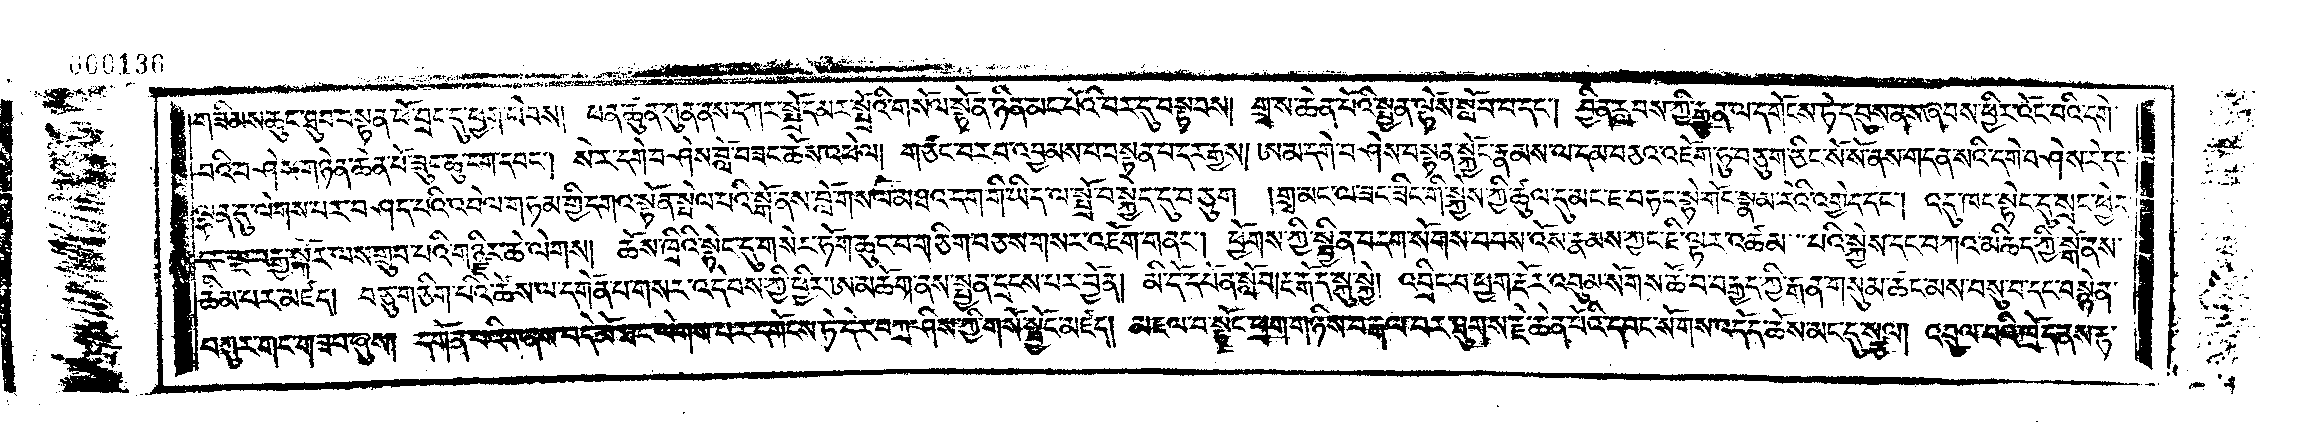གཟིམས་ཆུང་ཐུབ་བསྟན་ཕོ་བྲང་དུ་ཕྱག་ཕེབས། ཕན་ཚུན་ཀུན་ནས་དཀར་སྤྲོད་མར་སྤྲོའི་གསོལ་སྟོན་ཉིན་མང་པོའི་བར་དུ་བསྟབས། གྲྭ་ས་ཆེན་པོའི་སྤྱན་ལྟོས་སློབ་པ་དང་། བྱིན་རླབས་ཀྱི་རྒྱུན་ལ་དགོངས་ཏེ་དབུས་ནས་ཞབས་ཕྱིར་འོང་བའི་དགེ་
བའི་བཤེས་གཉེན་ཆེན་པོ་ཟུང་ཆུ་ངག་དབང་། སེ་ར་དགེ་བཤེས་བློ་བཟང་ཆོས་འཕེལ། གཙང་བ་རབ་འབྱམས་པ་བསྟན་པ་དར་རྒྱས། ཨ་མ་དགེ་བཤེས་བསྟན་སྐྱོང་རྣམས་ལ་དམ་བཅའ་འཇོག་ཏུ་བཅུག་ཅིང་སོ་སོ་ནས་གདན་སའི་དགེ་བཤེས་རེ་དང་
ལྷན་དུ་ལེགས་པར་བཤད་པའི་འབེལ་གཏམ་གྱི་དགའ་སྟོན་སྤེལ་པའི་སྒོ་ནས་བློ་གསལ་མཐའ་དག་གི་ཡིད་ལ་སྤྲོ་བ་སྐྱེད་དུ་བཅུག །གྲྭ་མང་ལ་ཟང་ཟིང་གི་སྐྱེས་ཀྱི་ཚུལ་དུ་མང་ཇ་བཏང་སྟེ་གོང་སྣམ་རེའི་འགྱེད་དང་། འདུ་ཁང་སྟེང་དུ་སྲང་ཕྱེད་
དང་ལྔ་བརྒྱ་སྐོར་ལས་གྲུབ་པའི་གཉྫིར་ཆེ་ལེགས། ཆོས་ཁྲིའི་སྟེང་དུ་གསེར་ཏོག་ཆུང་བ་གཅིག་བཅས་གསར་འཇོག་གནང་། ཕྱོགས་ཀྱི་སྦྱིན་བདག་སོགས་བབས་འོས་རྣམས་ཀྱང་ཇི་ལྟར་འཚམ་པའི་སྐྱེས་དང་བཀའ་མཆིད་ཀྱི་སྒོ་ནས་
ཚིམ་པར་མཛད། བཅུ་གཅིག་པའི་ཚེས་ལ་དགོན་པ་གསར་འདེབས་ཀྱི་ཕྱིར་ཨ་མཆོག་ནས་སྤྱན་དྲངས་པར་བྱོན། མི་དོ་དབོན་སློབ། རྔ་རྒོད་སྐུ་སྐྱེ། འབྲིང་བ་ཕྱག་རྡོར་འབུམ་སོགས་ཚོ་བ་བརྒྱད་ཀྱི་རྒན་གསུམ་ཚང་མས་བསུ་བ་དང་བསྙེན་
བཀུར་གང་གཟབ་ཞུས། དགོན་པའི་གནས་བདེ་མོ་ཐང་ལེགས་པར་དགོངས་ཏེ་དེར་བཀྲ་ཤིས་ཀྱི་གསོ་སྦྱོང་མཛད། མཇལ་བ་སྟོང་ཕྲག་གཉིས་བརྒལ་བར་ཐུགས་རྗེ་ཆེན་པོའི་དབང་སོགས་འདོད་ཆོས་མང་དུ་སྩལ། འབུལ་བའི་ཁྲོད་ནས་རྟ་